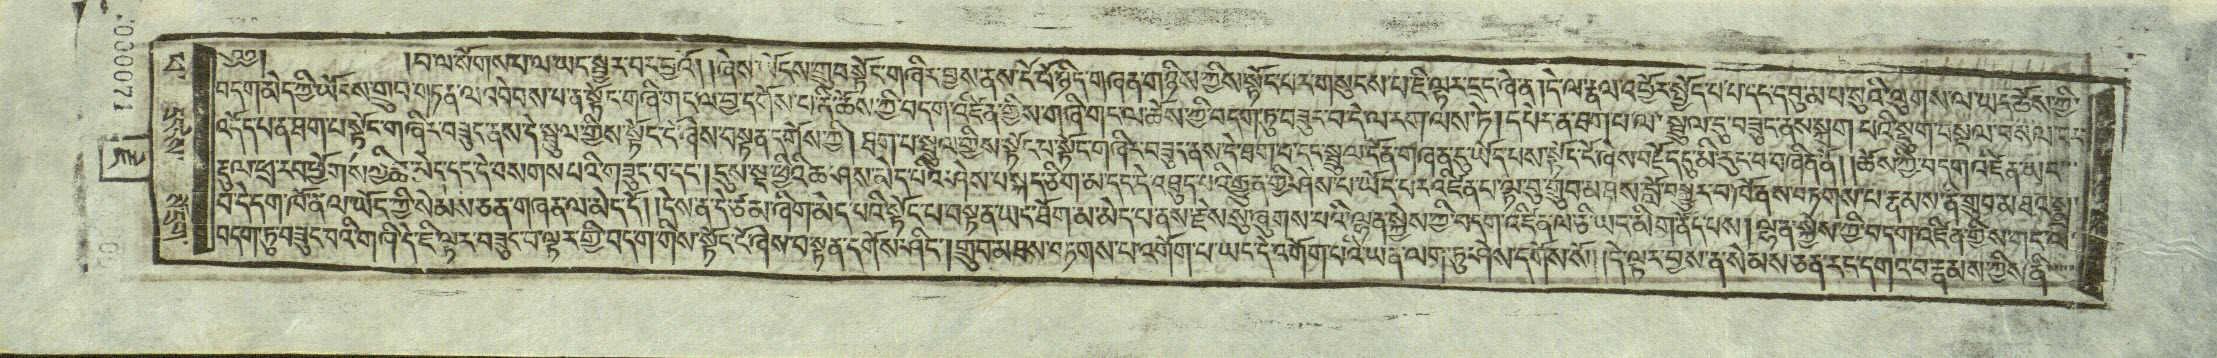༄༅། །བ་ལ་སོགས་པ་ལ་ཡང་སྦྱར་བར་བྱའོ། །ཞེས་ཡོངས་གྲུབ་སྟོང་གཞིར་བྱས་ནས་ངོ་བོ་ཉིད་གཞན་གཉིས་ཀྱིས་སྟོང་བར་གསུངས་པ་ཇི་ལྟར་དྲང་ཞེ་ན། དེ་ལ་རྣལ་འབྱོར་སྤྱོད་པ་པ་དང་དབུ་མ་པ་སུའི་ལུགས་ལ་ཡང་ཆོས་ཀྱི་
བདག་མེད་ཀྱི་ཡོངས་གྲུབ་གཏན་ལ་འབེབས་པ་ན་སྟོང་གཞི་གང་ལ་བྱ་དགོས་པ་ནི་ཆོས་ཀྱི་བདག་འཛིན་གྱིས་གཞི་གང་ལ་ཆོས་ཀྱི་བདག་ཏུ་བཟུང་བ་དེ་ལ་རག་ལས་ཏེ། དཔེར་ན་ཐག་པ་ལ་སྦྲུལ་དུ་བཟུང་ནས་སྐྲག་པའི་སྡུག་བསྔལ་བསལ་བར་
འདོད་པ་ན་ཐག་པ་སྟོང་གཞིར་བཟུང་ནས་དེ་སྦྲུལ་གྱིས་སྟོང་ངོ་ཞེས་བསྟན་དགོས་ཀྱི། ཐག་པ་སྦྲུལ་གྱིས་སྟོང་པ་སྟོང་གཞིར་བཟུང་ནས་དེ་ཐག་པ་དང་སྦྲུལ་དོན་གཞན་དུ་ཡོད་པས་སྟོང་ངོ་ཞེས་བརྗོད་དུ་མི་རུང་བ་བཞིན་ནོ། །ཆོས་ཀྱི་བདག་འཛིན་ཡང་
རྡུལ་ཕྲ་རབ་ཕྱོགས་ཀྱི་ཆ་མེད་དང་དེ་བསགས་པའི་གཟུང་བ་དང་། དུས་སྔ་ཕྱིའི་ཆ་ཤས་མེད་པའི་ཤེས་པ་སྐད་ཅིག་མ་དང་དེ་འཐུད་པའི་རྒྱུན་གྱི་ཤེས་པ་ཡོད་པར་འཛིན་པ་ལྟ་བུ་གྲུབ་མཐས་བློ་བསྒྱུར་བ་ཁོ་ནས་བཏགས་པ་རྣམས་ནི་གྲུབ་མཐའ་སྨྲ་
བ་དེ་དག་ཁོ་ན་ལ་ཡོད་ཀྱི་སེམས་ཅན་གཞན་ལ་མེད་དོ། །དེས་ན་དེ་ཙམ་ཞིག་མེད་པའི་སྟོང་པ་བསྟན་ཡང་ཐོག་མ་མེད་པ་ནས་རྗེས་སུ་ཞུགས་པའི་ལྷན་སྐྱེས་ཀྱི་བདག་འཛིན་ལ་ཅི་ཡང་མི་གནོད་པས། ལྷན་སྐྱེས་ཀྱི་བདག་འཛིན་གྱིས་གང་ལ་
བདག་ཏུ་བཟུང་བའི་གཞི་དེ་ཇི་ལྟར་བཟུང་བ་ལྟར་གྱི་བདག་གིས་སྟོང་ངོ་ཞེས་བསྟན་དགོས་ཤིང་། གྲུབ་མཐས་བཏགས་པ་འགོག་པ་ཡང་དེ་འགོག་པའི་ཡན་ལག་ཏུ་ཤེས་དགོས་སོ། །དེ་ལྟར་བྱས་ན་སེམས་ཅན་རང་དགའ་བ་རྣམས་ཀྱིས་ནི་